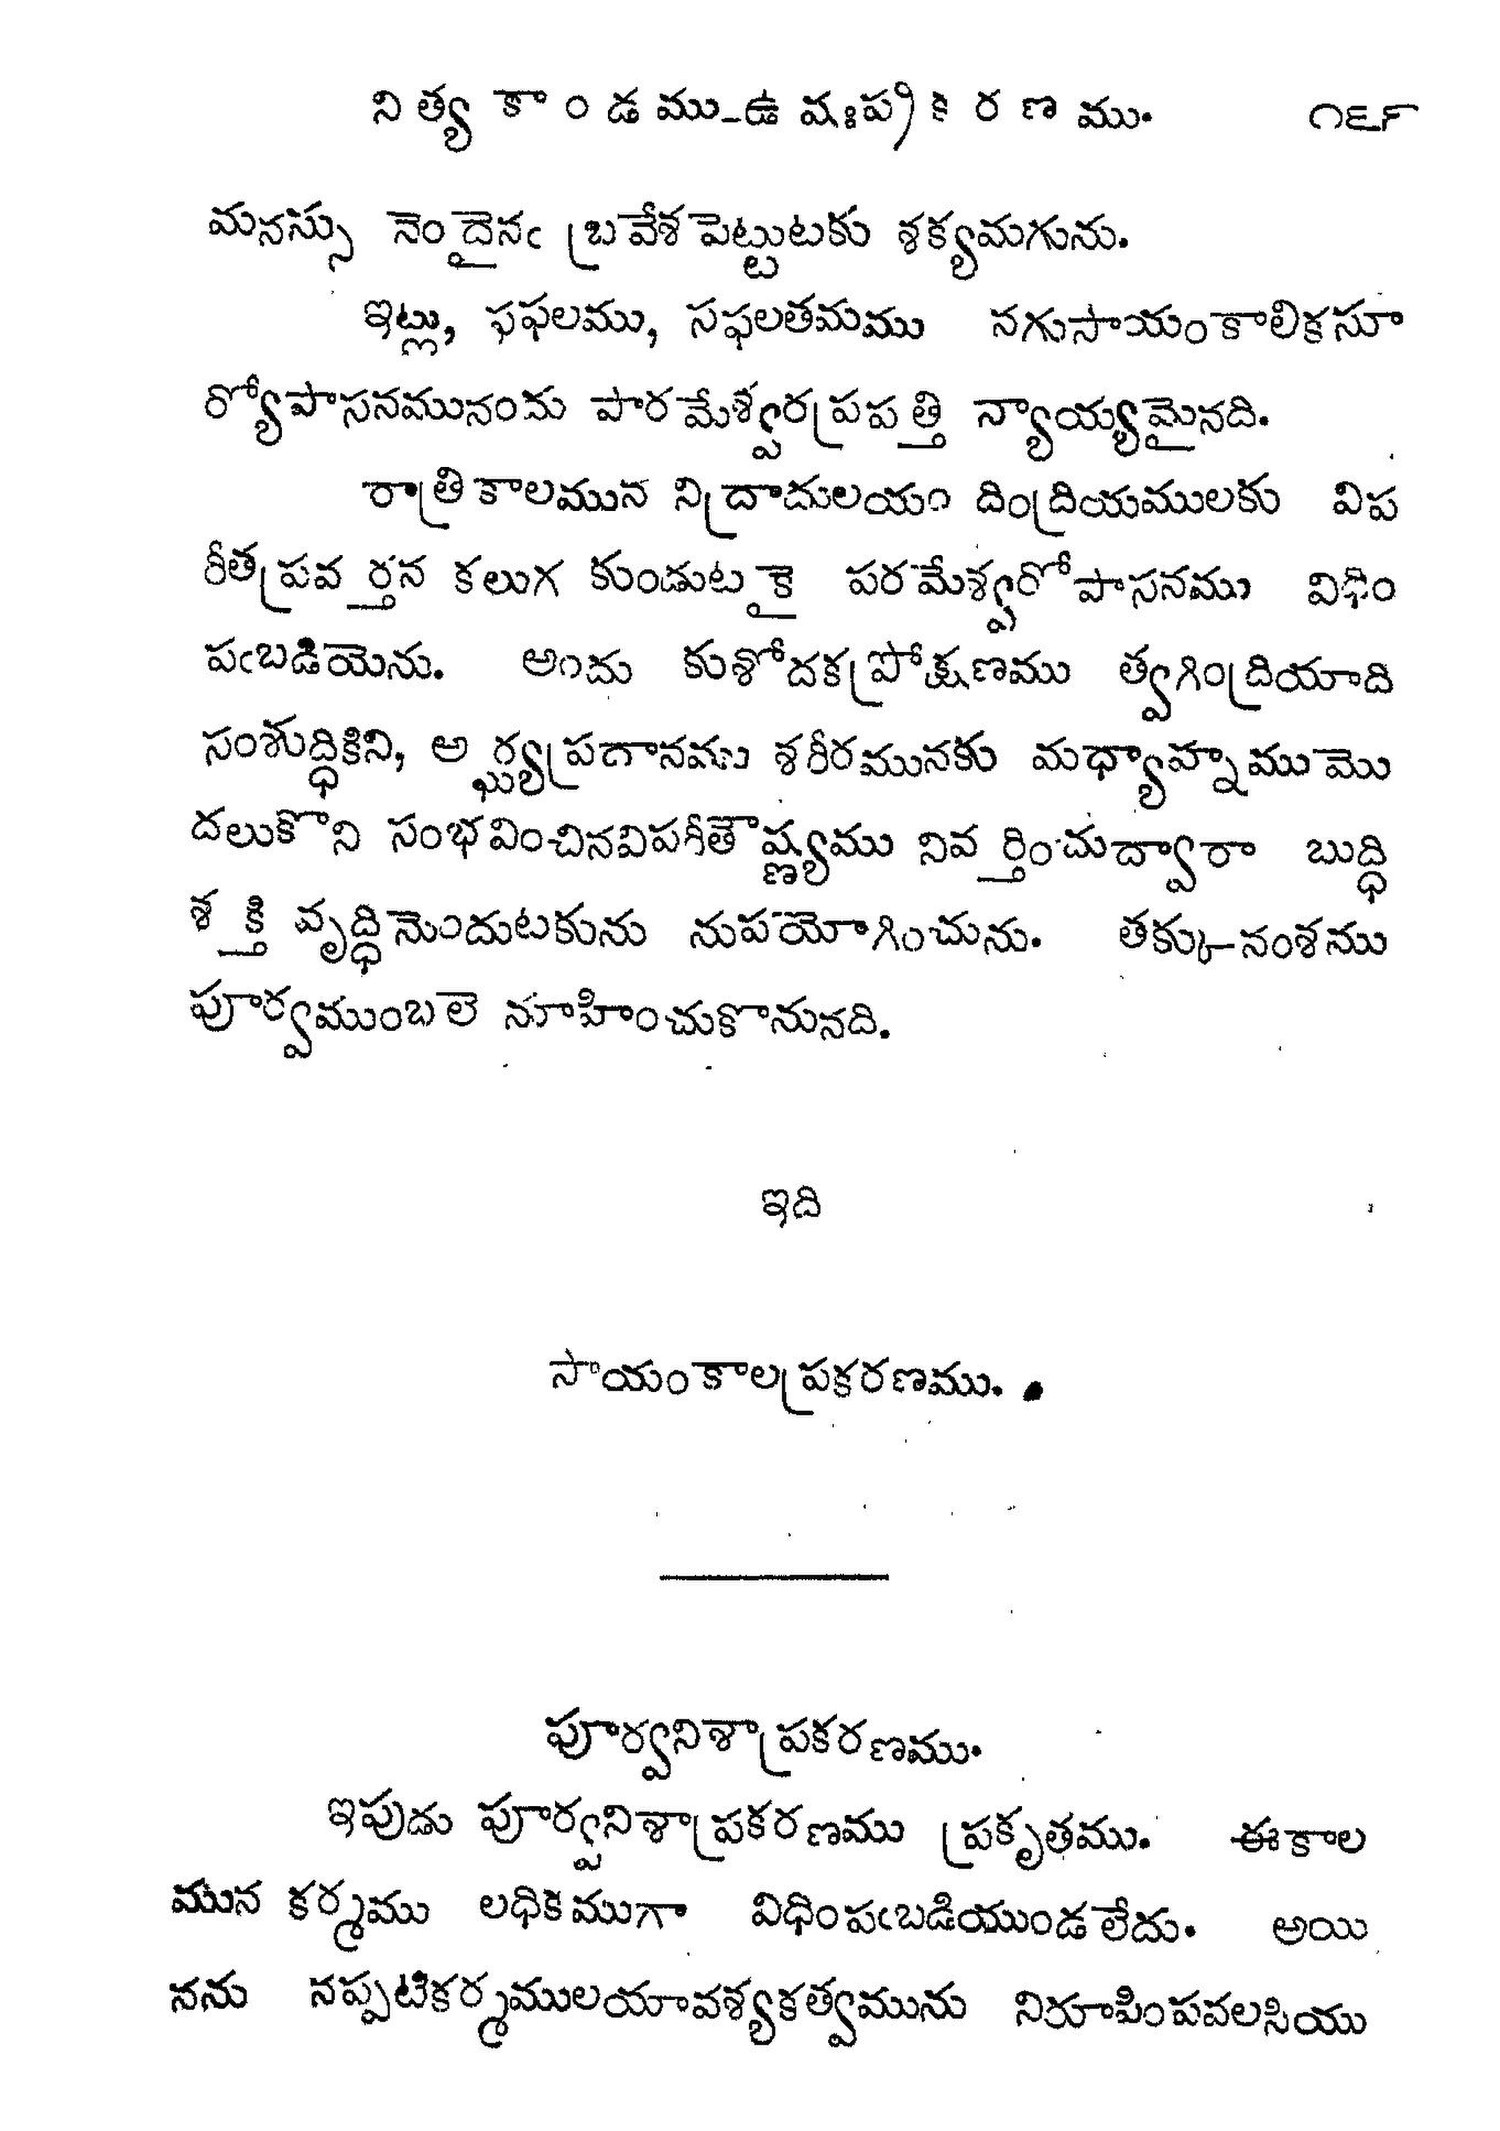మనస్సు నెందైనఁ బ్రవేశపెట్టుటకు శక్యమగును.

ఇట్లు, ఫఫలము, సఫలతమము నగుసాయంకాలికసూర్యోపాసనమునందు పారమేశ్వరప్రపత్తి న్యాయ్యమైనది.

రాత్రికాలమున నిద్రాదులయం దింద్రియములకు విపరీతప్రవర్తన కలుగ కుండుటకై పరమేశ్వరోపాసనము విధింపఁబడియెను. అందు కుశోదకప్రోక్షణము త్వగింద్రియాది సంశుద్ధికిని, అర్ఘ్యప్రదానము శరీరమునకు మధ్యాహ్నముమొదలుకొని సంభవించినవిపరీతౌష్ణ్యము నివర్తించుద్వారా బుద్ధి శక్తి వృద్ధినొందుటకును నుపయోగించును. తక్కునంశము పూర్వముంబలె నూహించుకొనునది.

ఇపుడు పూర్వనిశాప్రకరణము ప్రకృతము. ఈకాలమున కర్మము లధికముగా విధింపఁబడియుండలేదు. అయినను నప్పటికర్మములయావశ్యకత్వమును నిరూపింపవలసియు